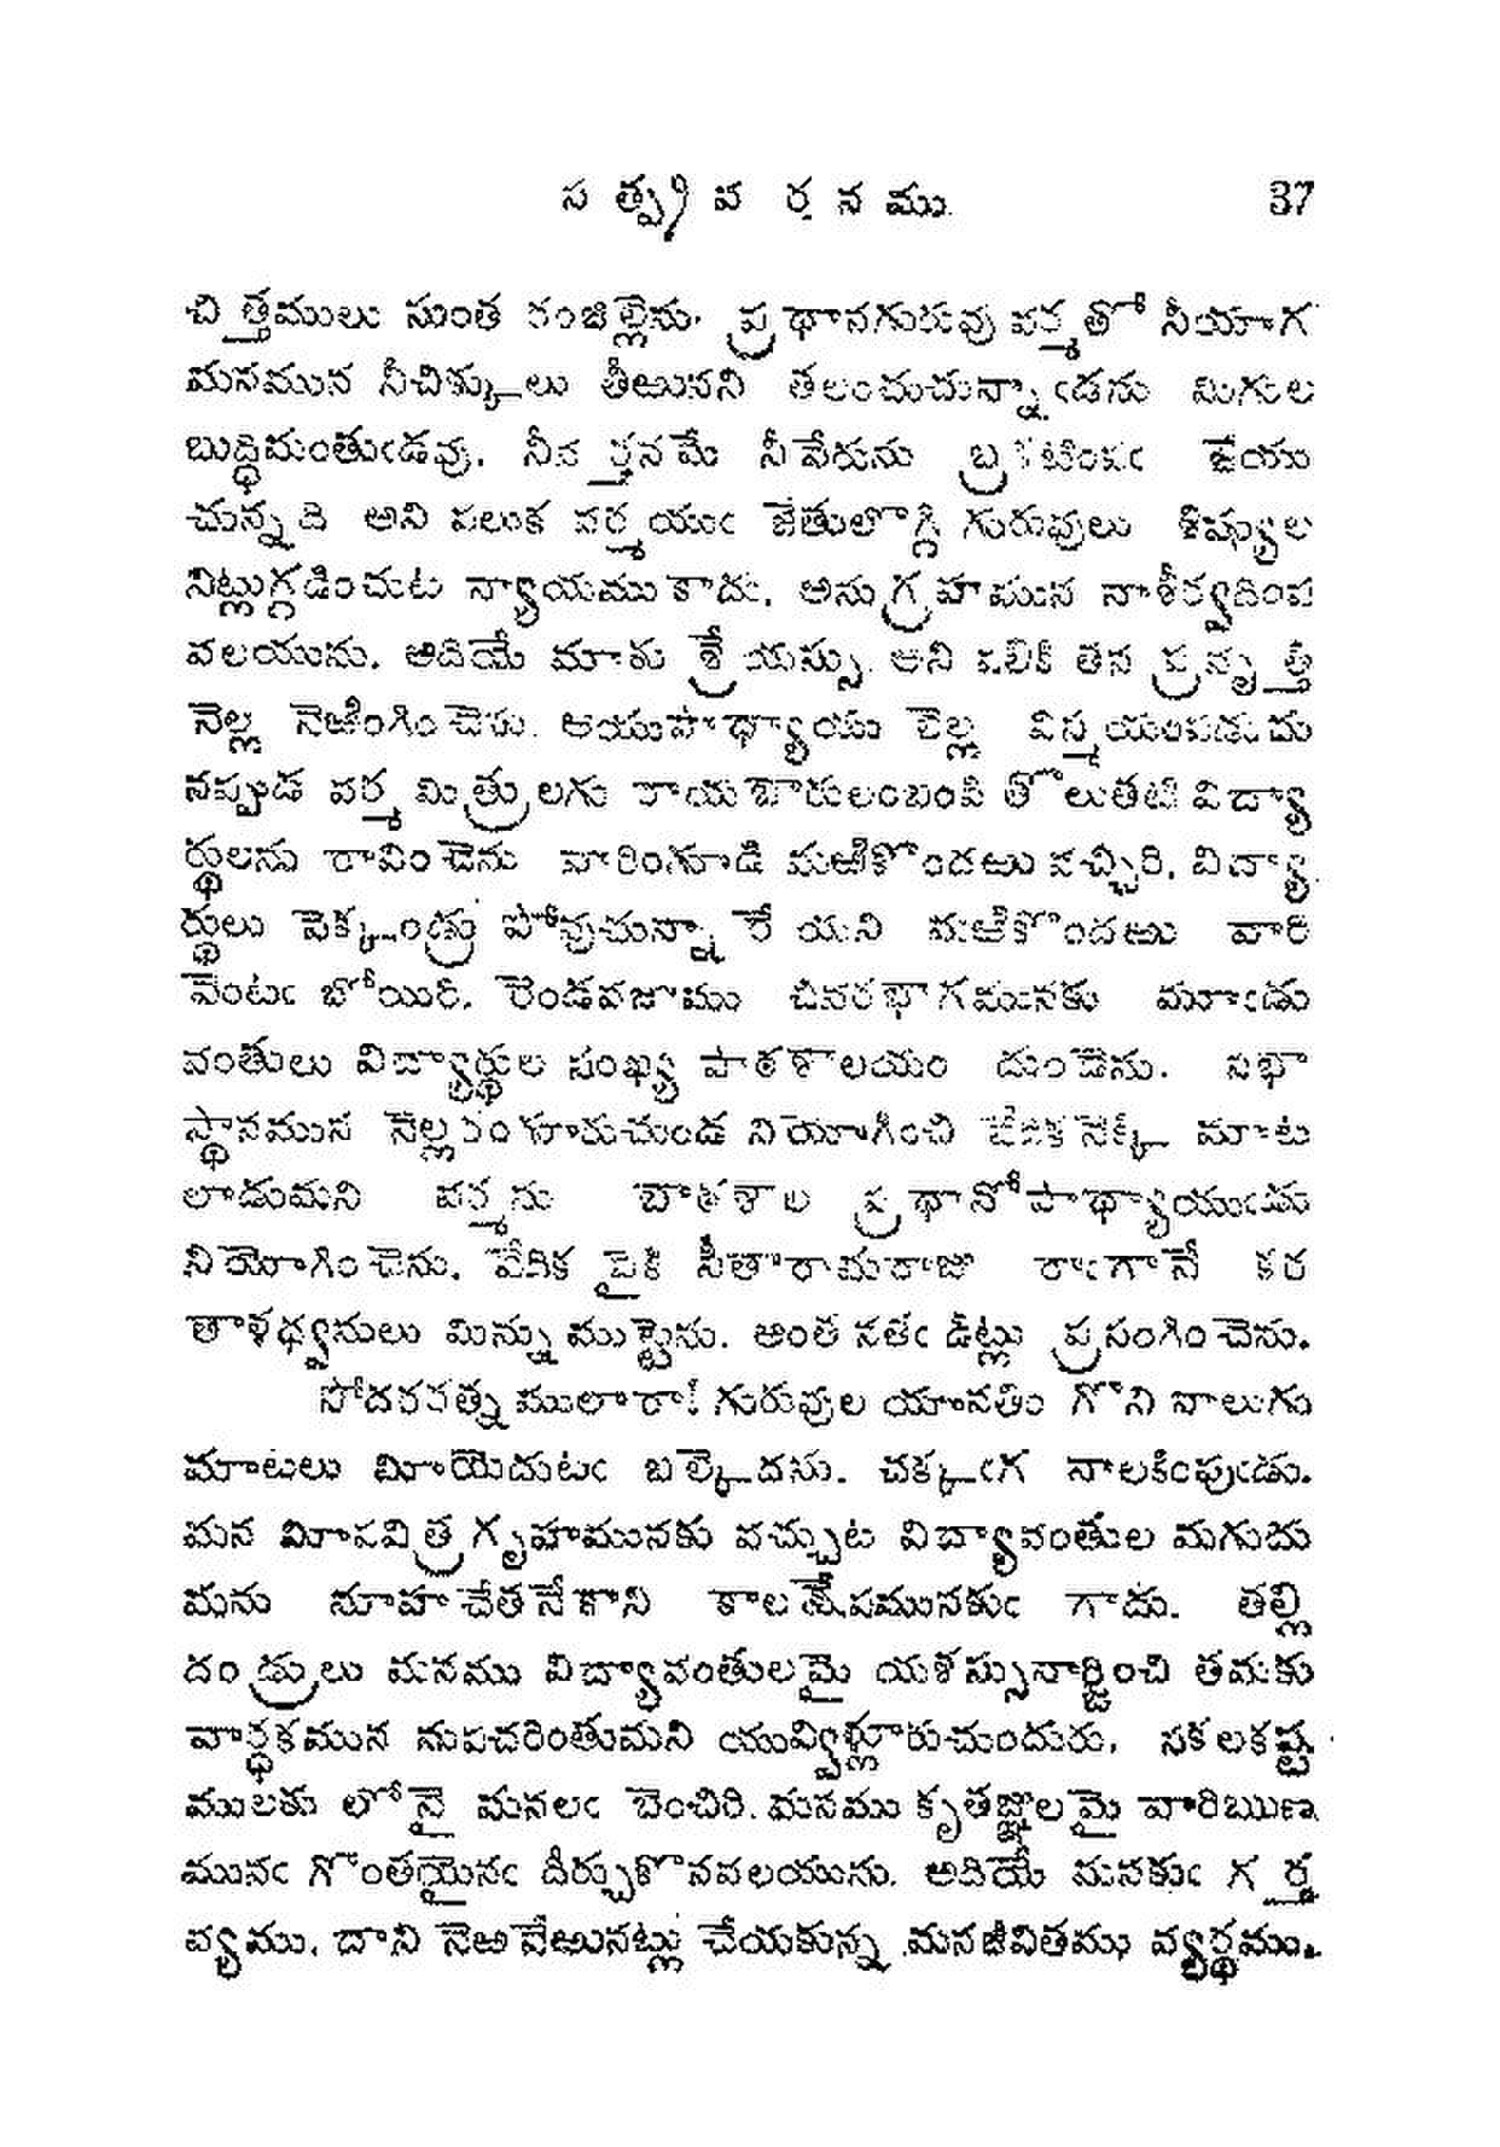చిత్తములు సుంత రంజిల్లెను. ప్రధానగురువు వర్మతో నీయాగ మనమున నీచిక్కులు తీఱునని తలంచుచున్నాడను మిగులు బుద్ధిమంతుఁడవు. నీవర్తనమే నీ పేరును బ్ర క
టింప జేయు చున్నది అని పలుక వర్మయుఁ జేతులొడ్డి గురువులు శిష్యుల నిట్లుగ్గడించుట న్యాయము కాదు. అనుగ్రహమున నా శీర్వదంప పలయును. అదియే మాకు శ్రేయస్సు అనిపలికి తనప్రవృత్తి నెల్ల నెంఱింగించెను. ఆయుపాధ్యాయు లెల్ల విస్మయంపడుచు నప్పుడ పరత్రులగు రాయబారులంబంపి తొలుతటి విద్యార్డులను రావించెను వారింగూడి మఱికొందఱు వచ్చిరి, విద్యార్డులు పెక్కండ్రు పోవుచున్నారనే యని పెక్కండ్రు వారి వెంటఁబోయిరి. రెండవజాము చివర భాగమునకు మూడు వంతులు విద్యార్థుల సంఖ్య పాఠణాలయం దుండెను. సభాస్థానమున నెల్లరం గూరుచుండ నియోగించి వేదికనెక్కి మాటలాడుమని వర్మను 'బాఠశాల, ప్రధానోపాధ్యాయుడు నియోగించెను. వేదిక పైకి సీతారామరాజు రాగానే కర తాళధ్వనులు మిన్ను =ముట్టెను. అంతనతఁ డిట్లు ప్రసంగించెను.సోదరరత్న ములారా! గురువుల యానతం గొని నాలుగు మాటలు మీయెదుటఁ బల్కెదను. చక్కఁగ నాలకింపుఁడు. మన మీపవిత్ర గృహమునకు వచ్చుట విద్యావంతుల మగుదుమను సూహచేతనే కొని కాలక్షేపమునకుఁ గాదు. తల్లి దండ్రులు మనము విద్యావంతులమై యశస్సునార్జించి తమకు వార్దకమున నుపచరింతుమని యువ్విళ్లూరుచుందురు, సకల కష్టములకు లోనై మనలఁ బెంచిరి. మసము కృతజ్ఞులమై వారిఋణమునఁ గొంతయైనఁ దీర్చుకొనవలయును. అదియే మనకుఁ గర్త వ్యము, దాని నెజు వేఱునట్లు చేయకున్న మన జీవితము వ్యర్థము.